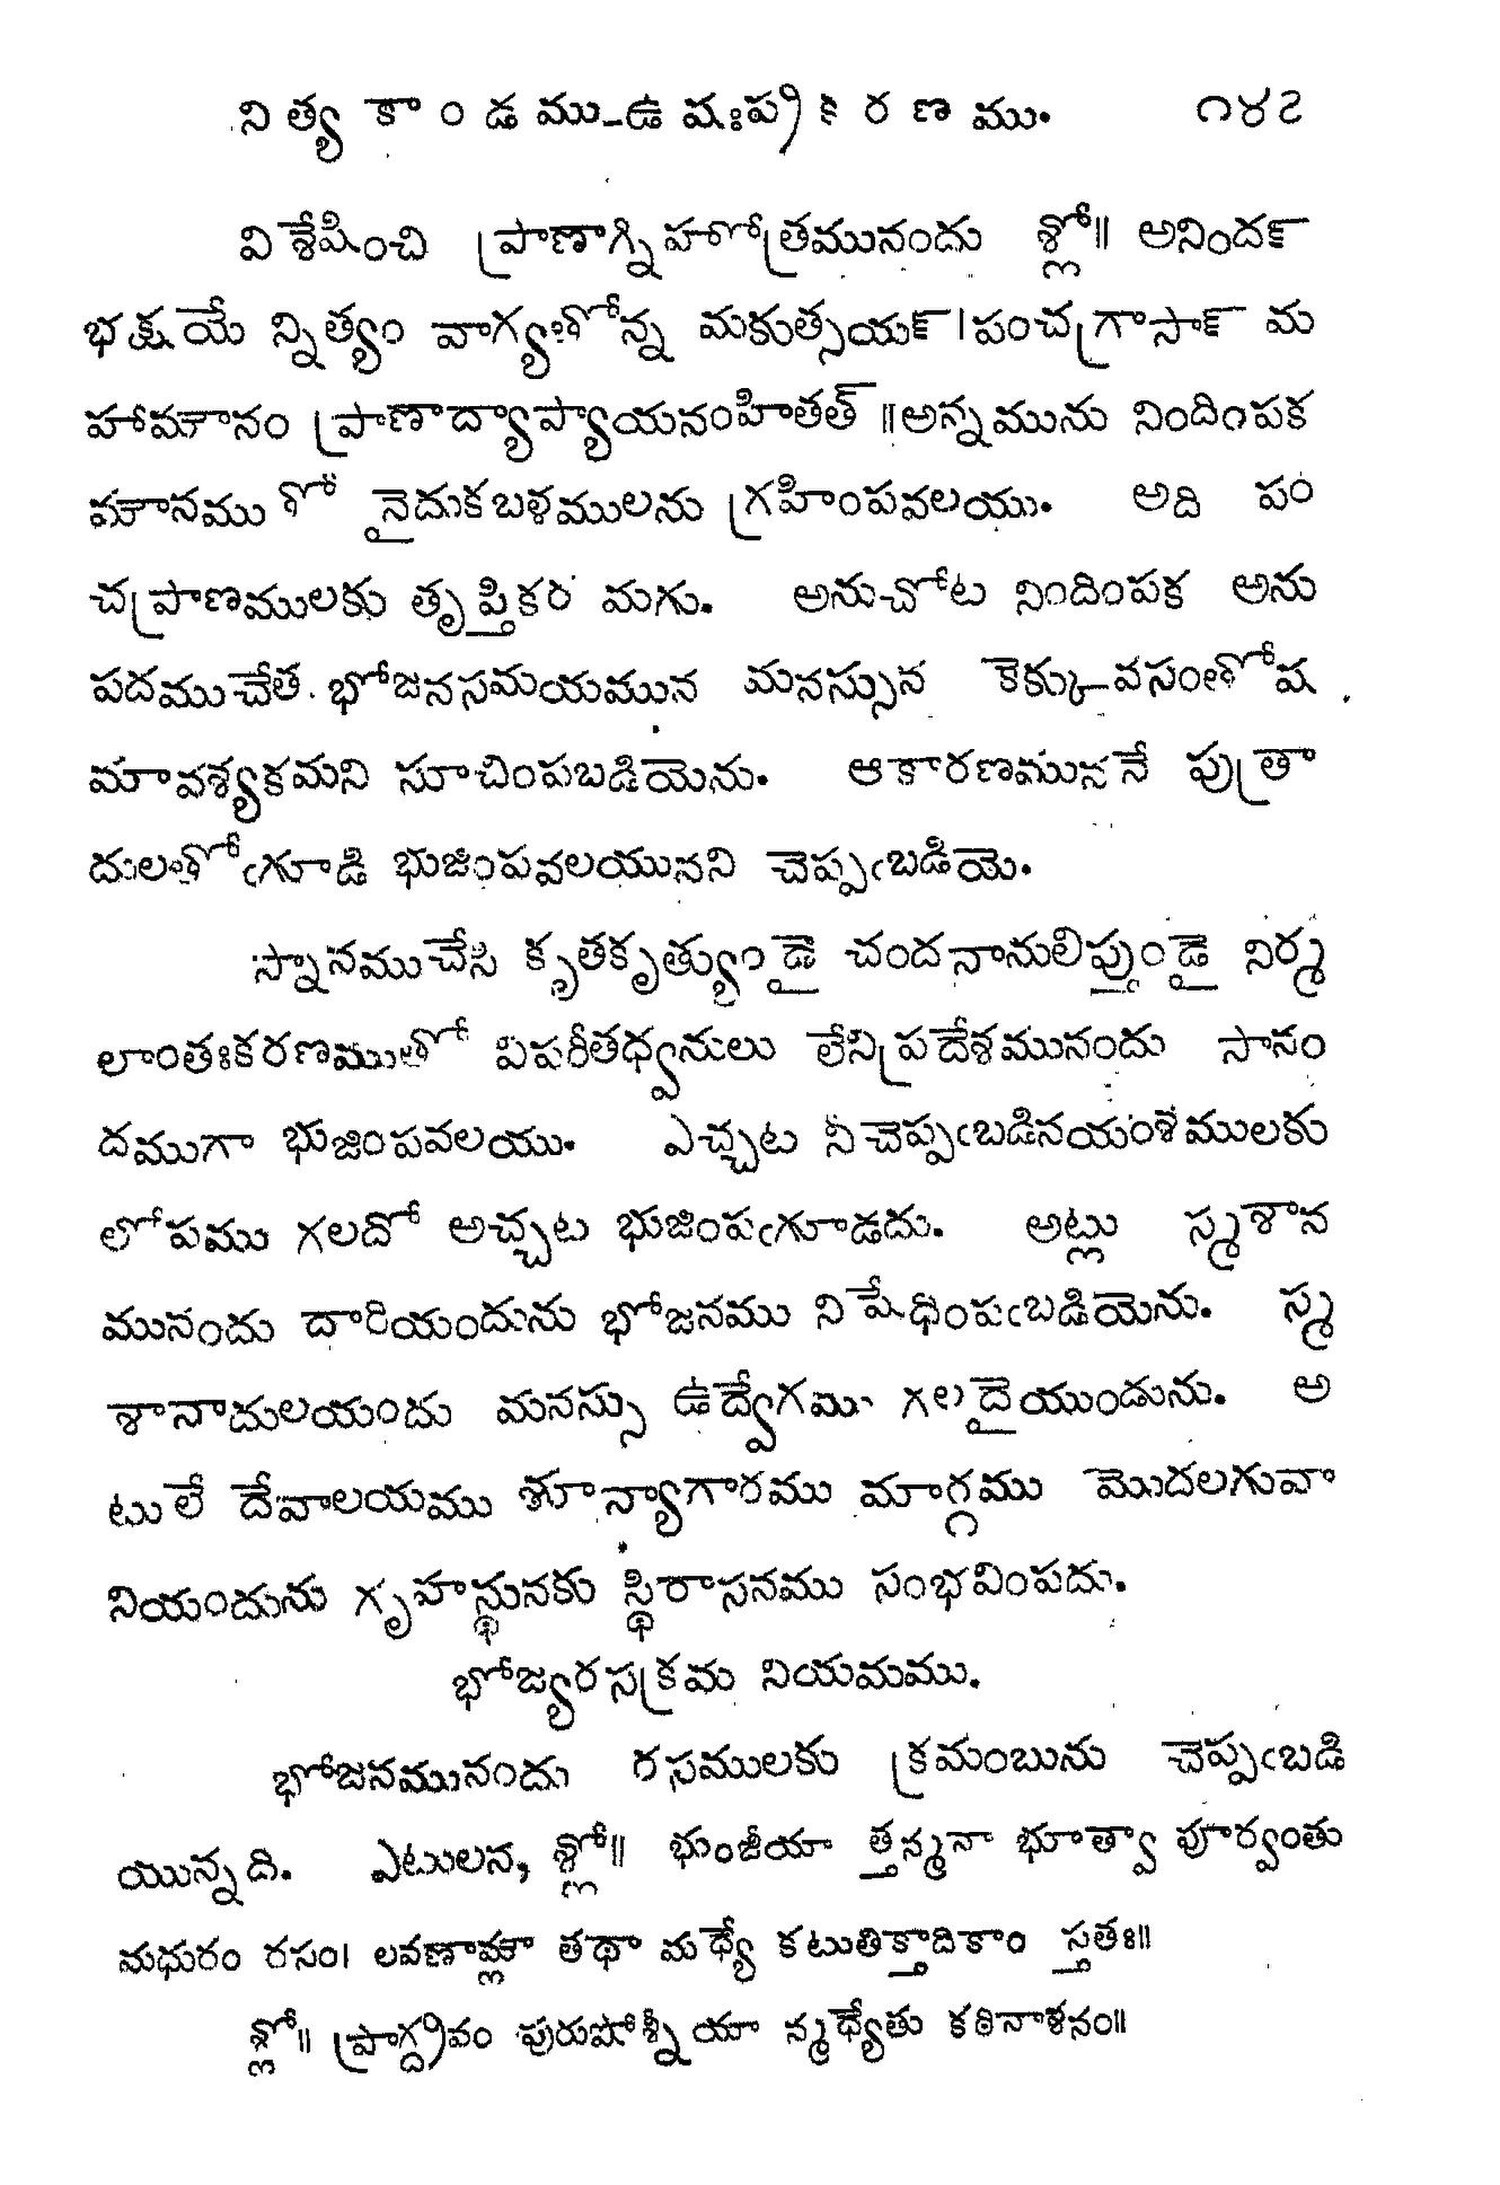విశేషించి ప్రాణాగ్నిహోత్రమునందు శ్లో॥ అనిందన్ భక్షయే న్నిత్యం వాగ్యతోన్న మకుత్సయన్। పంచగ్రాసాన్ మహామౌనం ప్రాణాద్యాప్యాయనంహితత్ ॥ అన్నమును నిందింపక మౌనముతో 
నైదుకబళములను గ్రహింపవలయు. అది పంచప్రాణములకు తృప్తికర మగు. అనుచోట నిందింపక అనుపదముచేత భోజనసమయమున మనస్సున కెక్కువసంతోష మావశ్యకమని సూచింపబడియెను. ఆకారణముననే పుత్రాదులతోఁగూడి భుజింపవలయునని చెప్పఁబడియె.

స్నానముచేసి కృతకృత్యుండై చందనానులిప్తుండై నిర్మలాంతఃకరణముతో విపరీతధ్వనులు లేనిప్రదేశమునందు సానందముగా భుజింపవలయు. ఎచ్చట నీచెప్పఁబడినయంశములకు లోపము గలదో అచ్చట భుజింపఁగూడదు. అట్లు స్మశానమునందు దారియందును భోజనము నిషేధింపఁబడియెను. స్మశానాదులయందు మనస్సు ఉద్వేగము గలదైయుండును. అటులే దేవాలయము శూన్యాగారము మార్గము మొదలగువానియందును గృహస్థునకు స్థిరాసనము సంభవింపదు.

భోజనమునందు రసములకు క్రమంబును చెప్పఁబడి యున్నది. ఎటులన, శ్లో॥ భుంజీయా త్తన్మనా భూత్వా పూర్వంతు మధురం రసం। లవణామ్లౌ తథా మధ్యే కటుతిక్తాదికాం స్తతః॥

శ్లో॥ ప్రాగ్ద్రవం పురుషోశ్నీయా న్మధ్యేతు కఠినాశనం॥